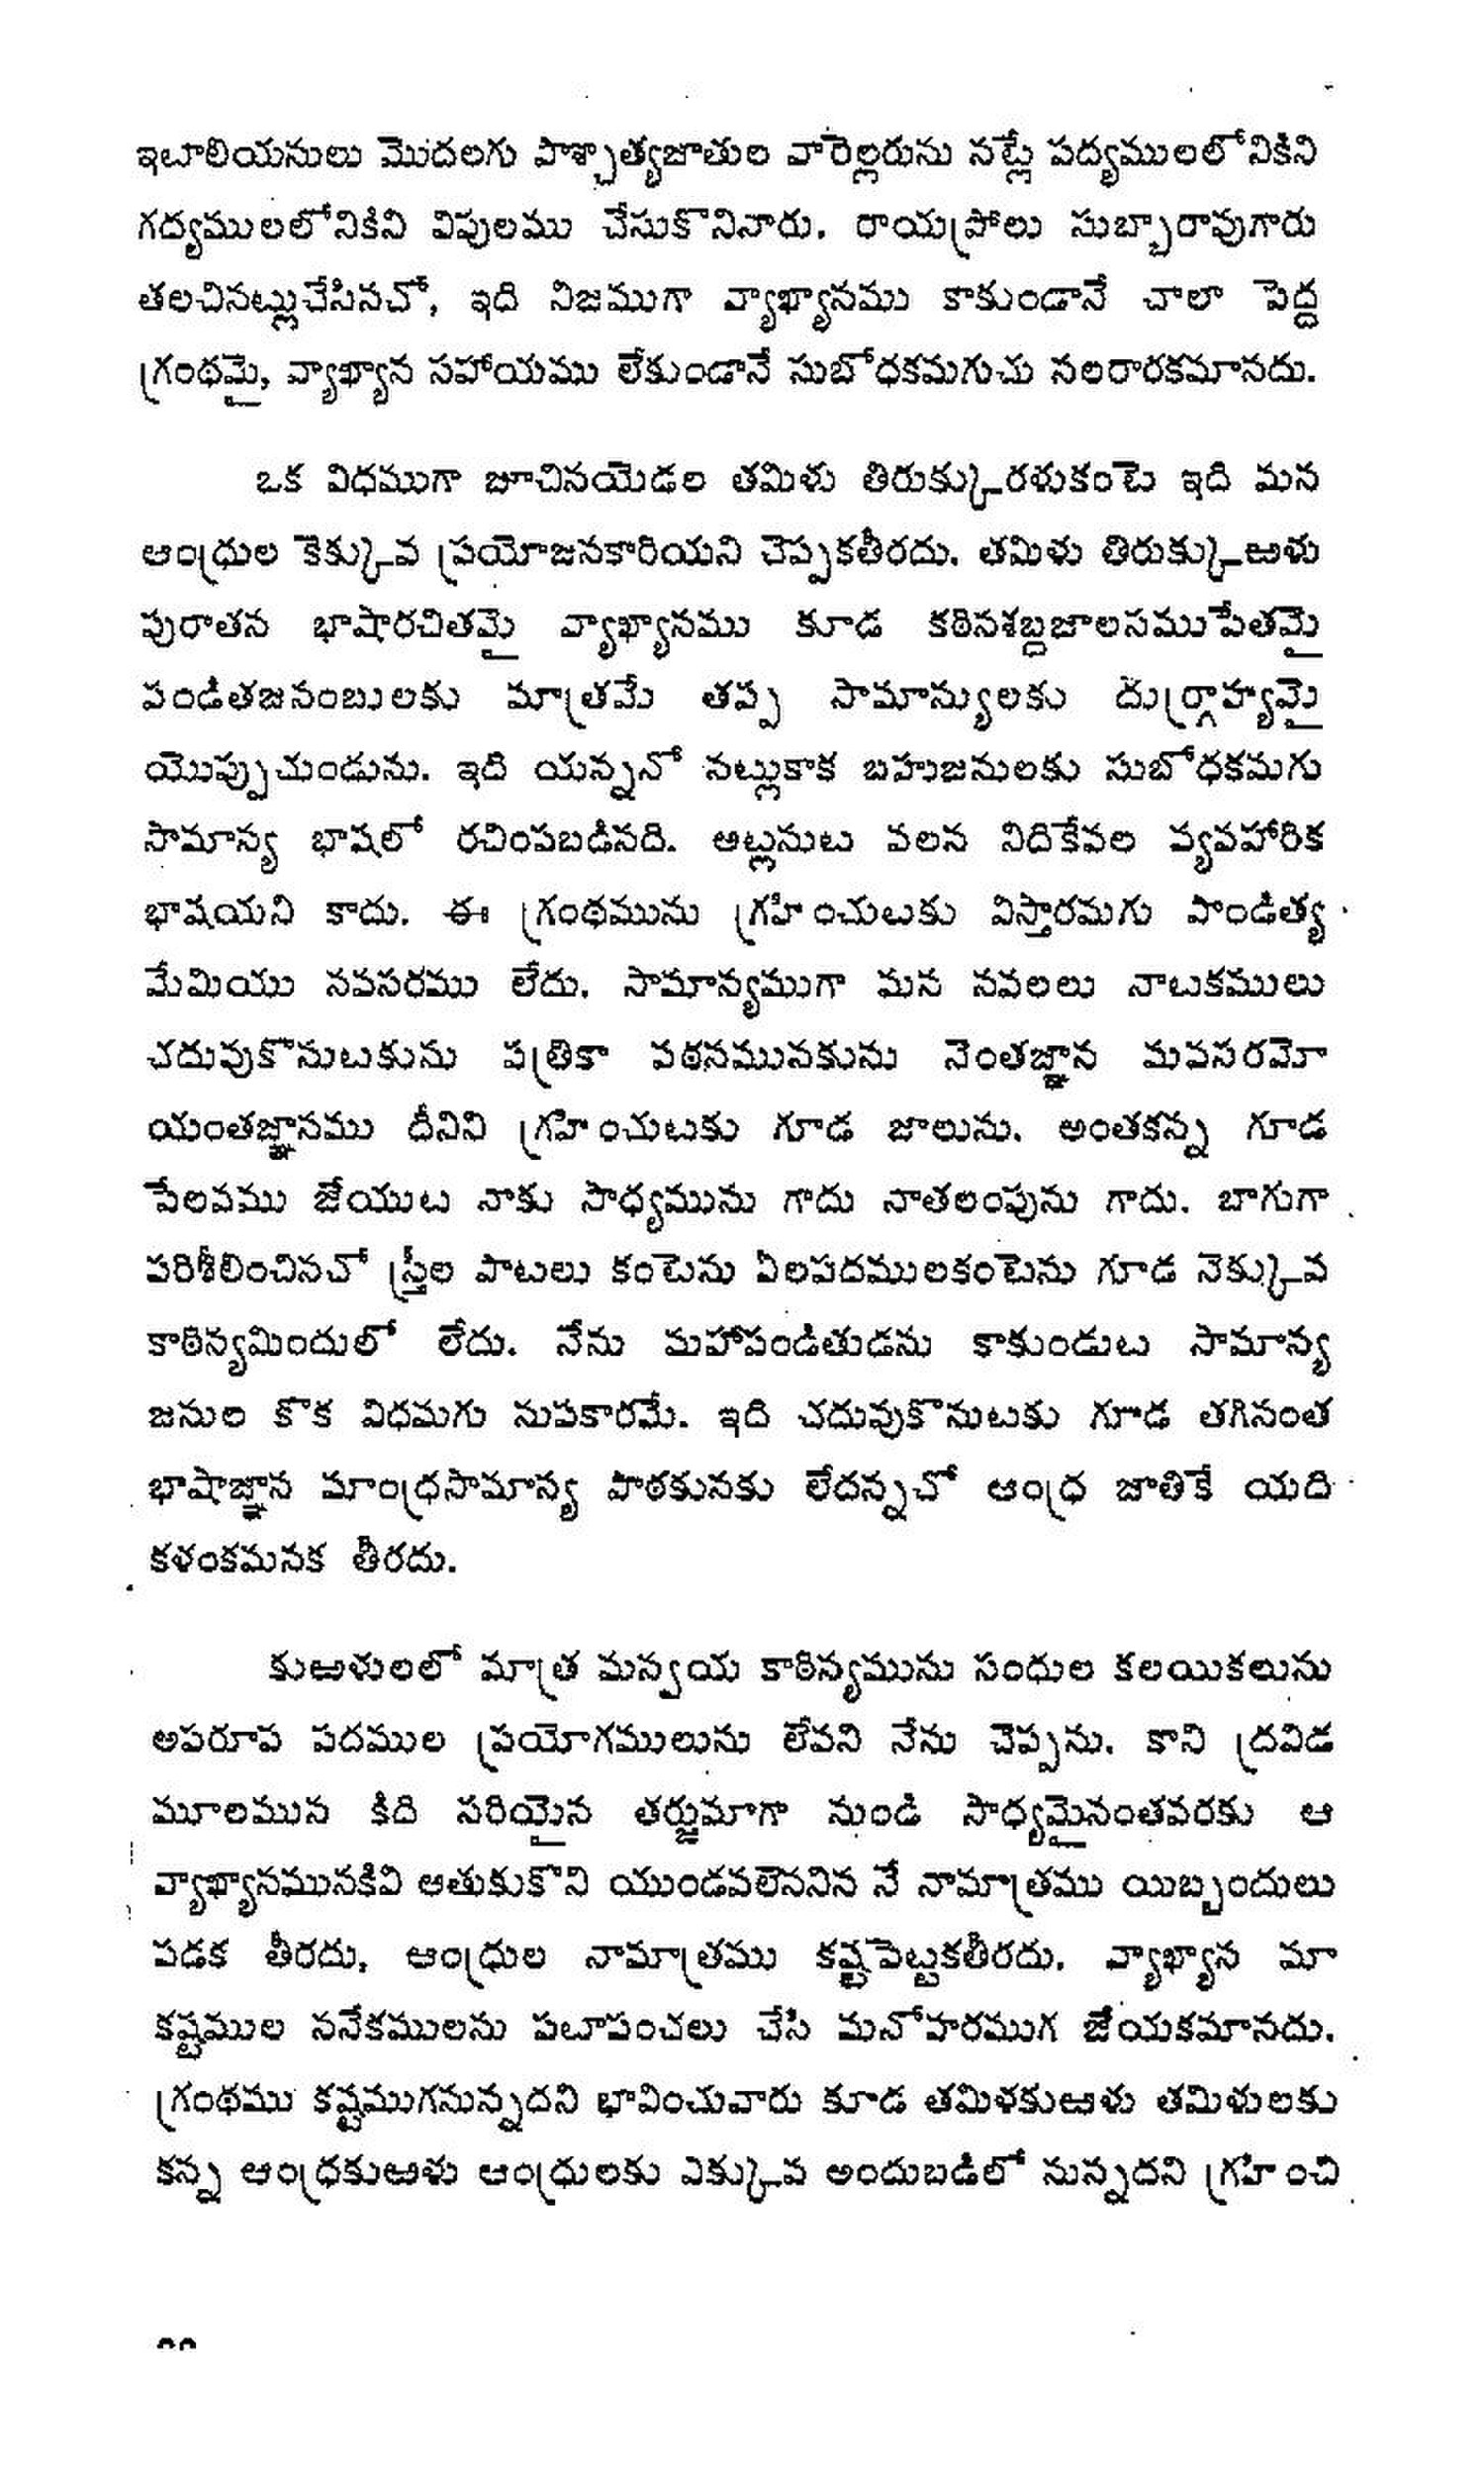ఇటాలియనులు మొదలగు పాశ్చాత్యజాతుల వారెల్లరును నట్లే పద్యములలోనికిని గద్యములలోనికిని విపులము చేసుకొనినారు. రాయప్రోలు సుబ్బారావుగారు తలచినట్లుచేసినచో, ఇది నిజముగా వ్యాఖ్యానము కాకుండానే చాలా పెద్ద గ్రంథమై, వ్యాఖ్యాన సహాయము లేకుండానే సుబోధకమగుచు నలరారకమానదు.

ఒక విధముగా జూచినయెడల తమిళు తిరుక్కురళుకంటె ఇది మన ఆంధ్రుల కెక్కువ ప్రయోజనకారియని చెప్పకతీరదు. తమిళు తిరుక్కుఱళు పురాతన భాషారచితమై వ్యాఖ్యానము కూడ కఠినశబ్దజాలసముపేతమై పండితజనంబులకు మాత్రమే తప్ప సామాన్యులకు దుర్గ్రాహ్యమై యొప్పుచుండును. ఇది యన్ననో నట్లుకాక బహుజనులకు సుబోధకమగు సామాన్య భాషలో రచింపబడినది. అట్లనుట వలన నిదికేవల వ్యవహారిక భాషయని కాదు. ఈ గ్రంథమును గ్రహించుటకు విస్తారమగు పాండిత్యమేమియు నవసరము లేదు. సామాన్యముగా మన నవలలు నాటకములు చదువుకొనుటకును పత్రికా పఠనమునకును నెంతజ్ఞాన మవసరమో యంతజ్ఞానము దీనిని గ్రహించుటకు గూడ జాలును. అంతకన్న గూడ పేలవము జేయుట నాకు సాధ్యమును గాదు నాతలంపును గాదు. బాగుగ పరిశీలించినచో స్త్రీల పాటలు కంటెను ఏలపదములకంటెను గూడ నెక్కువ కాఠిన్యమిందులో లేదు. నేను మహాపండితుడను కాకుండుట సామాన్యజనుల కొక విధమగు నుపకారమే. ఇది చదువుకొనుటకు గూడ తగినంత భాషాజ్ఞాన మాంధ్రసామాన్య పాఠకునకు లేదన్నచో ఆంధ్ర జాతికే యది కళంకమనక తీరదు.

కుఱళులలో మాత్ర మన్వయ కాఠిన్యమును సంధుల కలయికలను అపరూప పదముల ప్రయోగములును లేవని నేను చెప్పను. కాని ద్రవిడమూలమున కిది సరియైన తర్జుమాగా నుండి సాధ్యమైనంతవరకు ఆ వ్యాఖానమునకివి అతుకుకొని యుండవలెననిన నే నామాత్రము యిబ్బందులు పడక తీరదు. ఆంధ్రుల నామాత్రము కష్టపెట్టకతీరదు. వ్యాఖ్యాన మా కష్టముల ననేకములను పటాపంచలు చేసి మనోహరముగ జేయకమానదు. గ్రంథము కష్టముగనున్నదని భావించువారు కూడ తమిళకుఱళు తమిళులకు కన్న ఆంధ్రకుఱళు ఆంధ్రులకు ఎక్కువ అందుబడిలో నున్నదని గ్రహించి